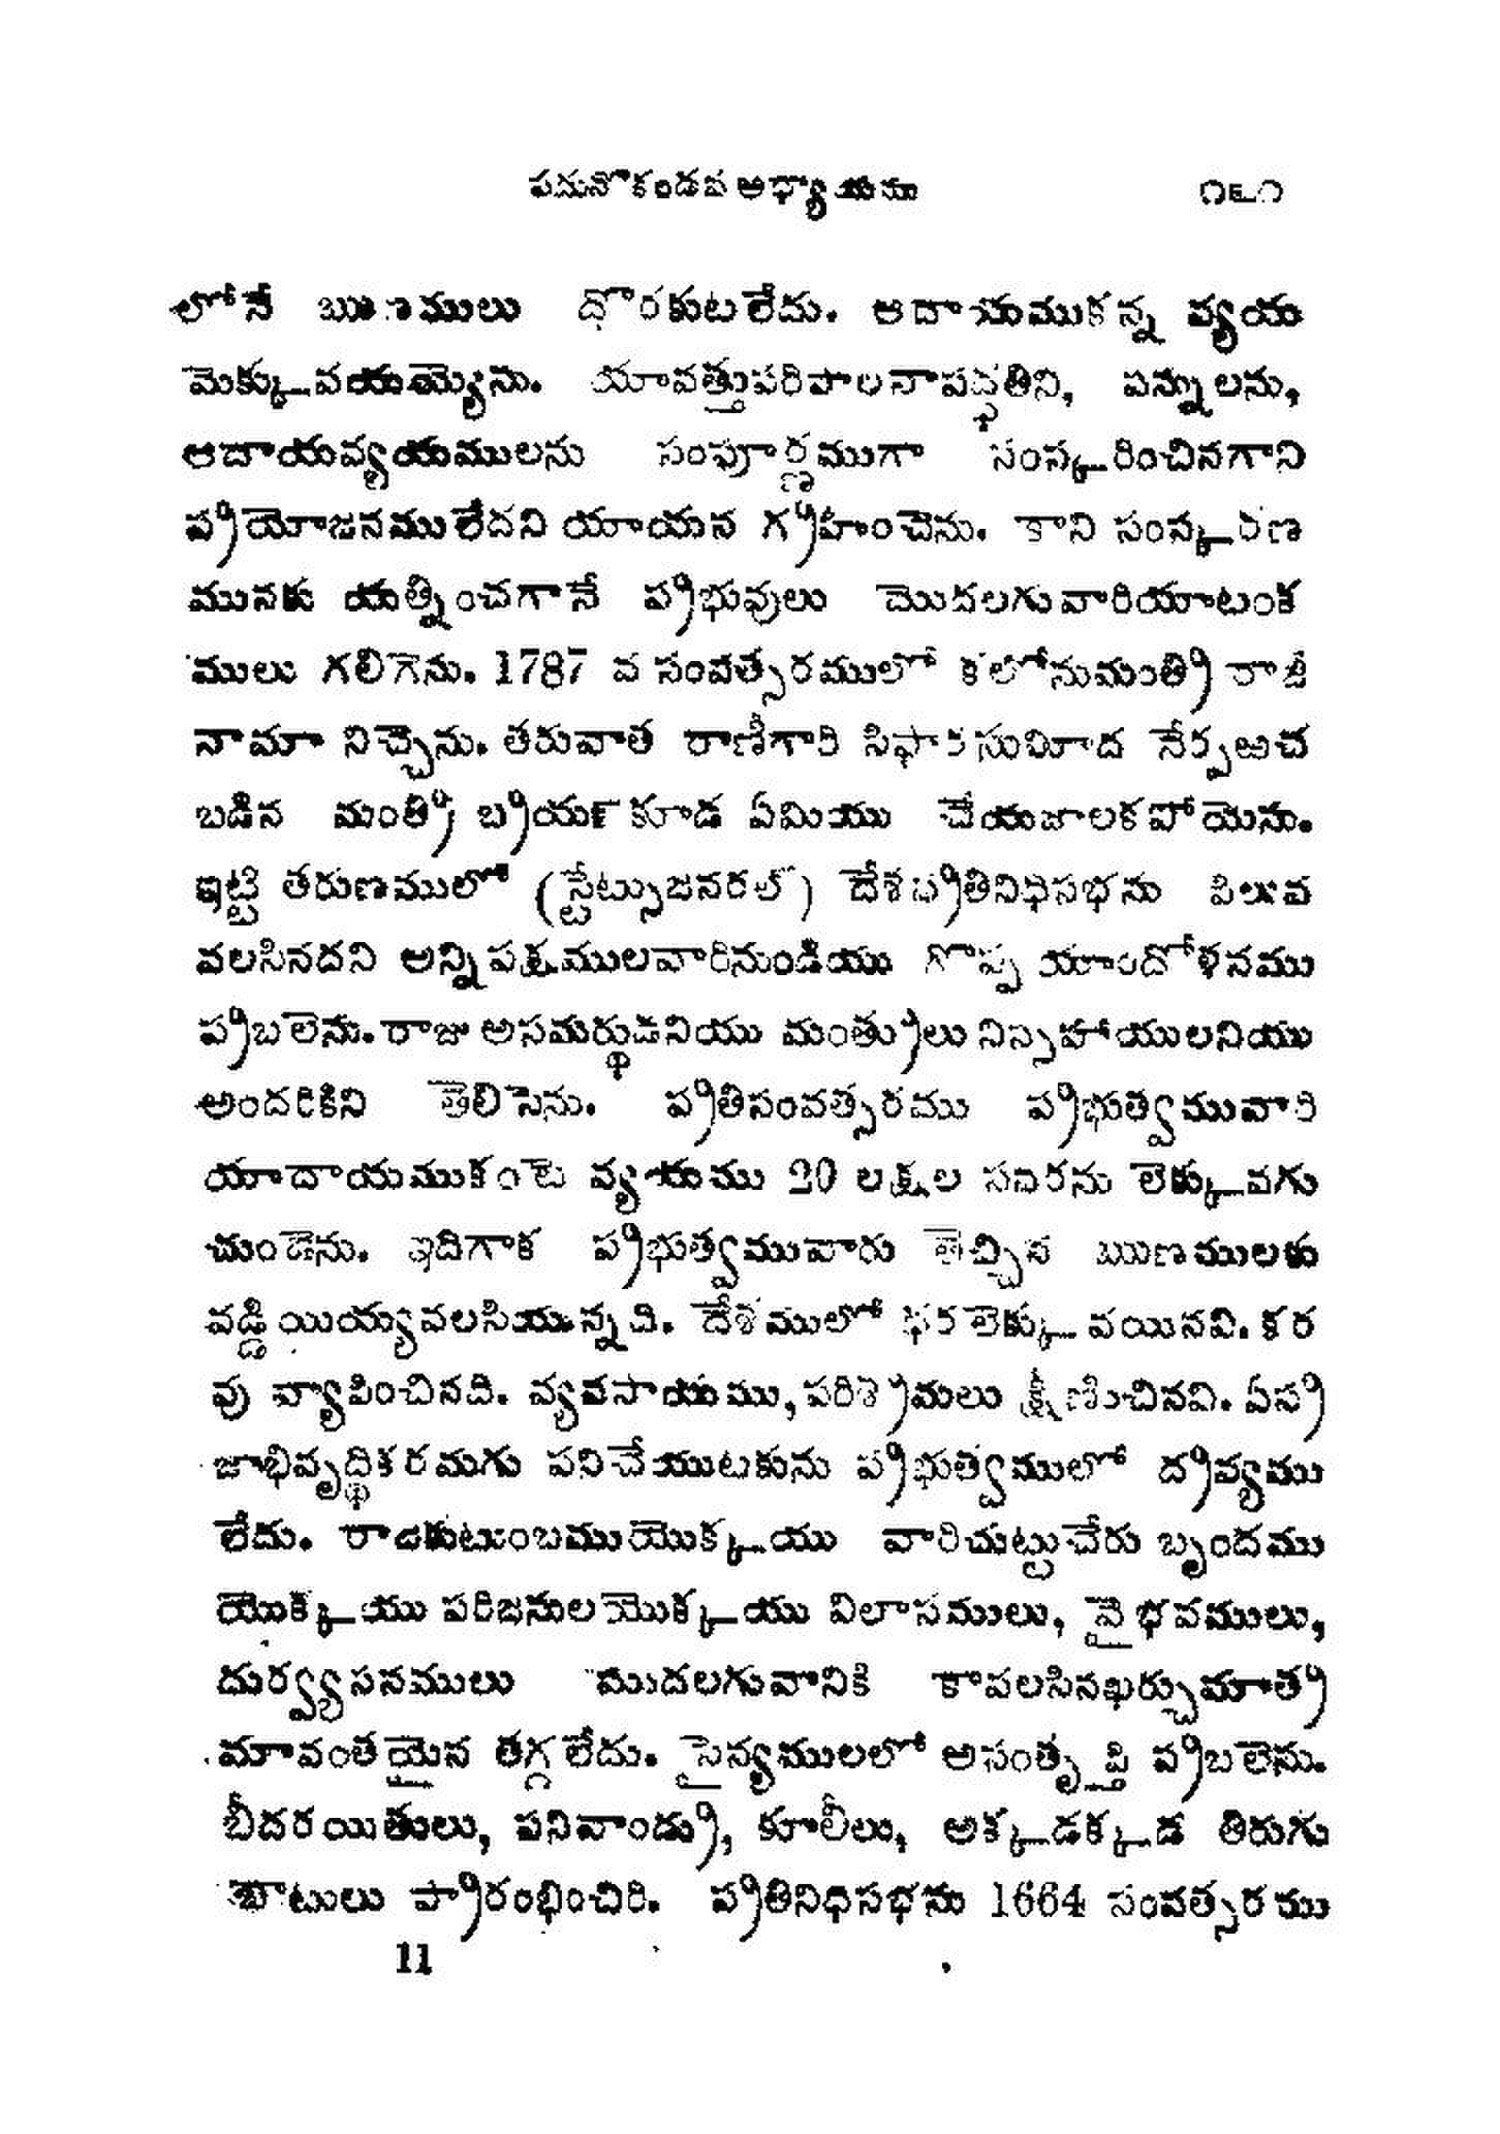లోనే ఋణములు దొరకుట లేదు. ఆదాయముకన్న వ్యయ
మెక్కువయయ్యెను. యావత్తు పరిపాలనా పద్ధతిని, పన్నులను,
ఆదాయవ్యయములను సంపూర్ణముగా సంస్కరించినగాని
ప్రయోజనము లేదని యాయన గ్రహించెను. కాని సంస్కరణ
మునకు యత్నించగానే ప్రభువులు మొదలగు వారియాటంక
ములు గలిగెను. 1787 వ సంవత్సరములో కలోనుమంత్రి రాజీనామా
నిచ్చెను. తరువాత రాణీగారి సిఫారుసు మీద నేర్పజచ
బడిన మంత్రి బ్రయన్ కూడ ఏమియు చేయజాలకపోయెసు.
ఇట్టి తరుణములో (స్టేట్సుజనరల్) దేశ ప్రతినిథి సభను పిలువ
వలసినదని అన్ని పక్షములవారినుండియు గొప్ప యాందోళనము
ప్రబలెను. రాజు అసమర్థుడనియు మంత్రులు నిస్సహాయులనియు
అందరికిని తెలిసెను. " ప్రతిసంవత్సరము ప్రభుత్వముపో
యాదాయముకంటే వ్యయము 20 లక్షల సుచిరను లెక్కువగు
చుండెను. ఇదిగాక ప్రభుత్వము వారు తెచ్చిన ఋణములకు
వడ్డీ యియ్యవలసి యున్న చి. దేశములో ధర లెక్కువయినవి. కర
వు వ్యాపించినది. వ్యవసాయము, పరిశ్రమలు క్షీణించినవి. ఏ ప్రజా
భివృద్ధికరమగు పనిచేయుటకును ప్రభుత్వములో దవ్యము
లేదు. రాజకుటుంబము యొక్కయు వారిచుట్టు చేరు బృందము
యొక్కయు పరిజనుల యొక్కయు విలాసములు, వైభవములు,
దుర్వ్యసనములు 'ముదలగువానికి కావలసిన ఖర్చుమాత్ర
మావంతయైన తగ్గ లేదు. సైన్యములలో అసంతృప్తి ప్రబలెను.
బీదరయితులు, పనివాండ్రు, కూలీలు, అక్కడక్కడ తిరుగు
బాటులు ప్రారంభించిరి. ప్రతినిధి సభను 1664 సంవత్సరము